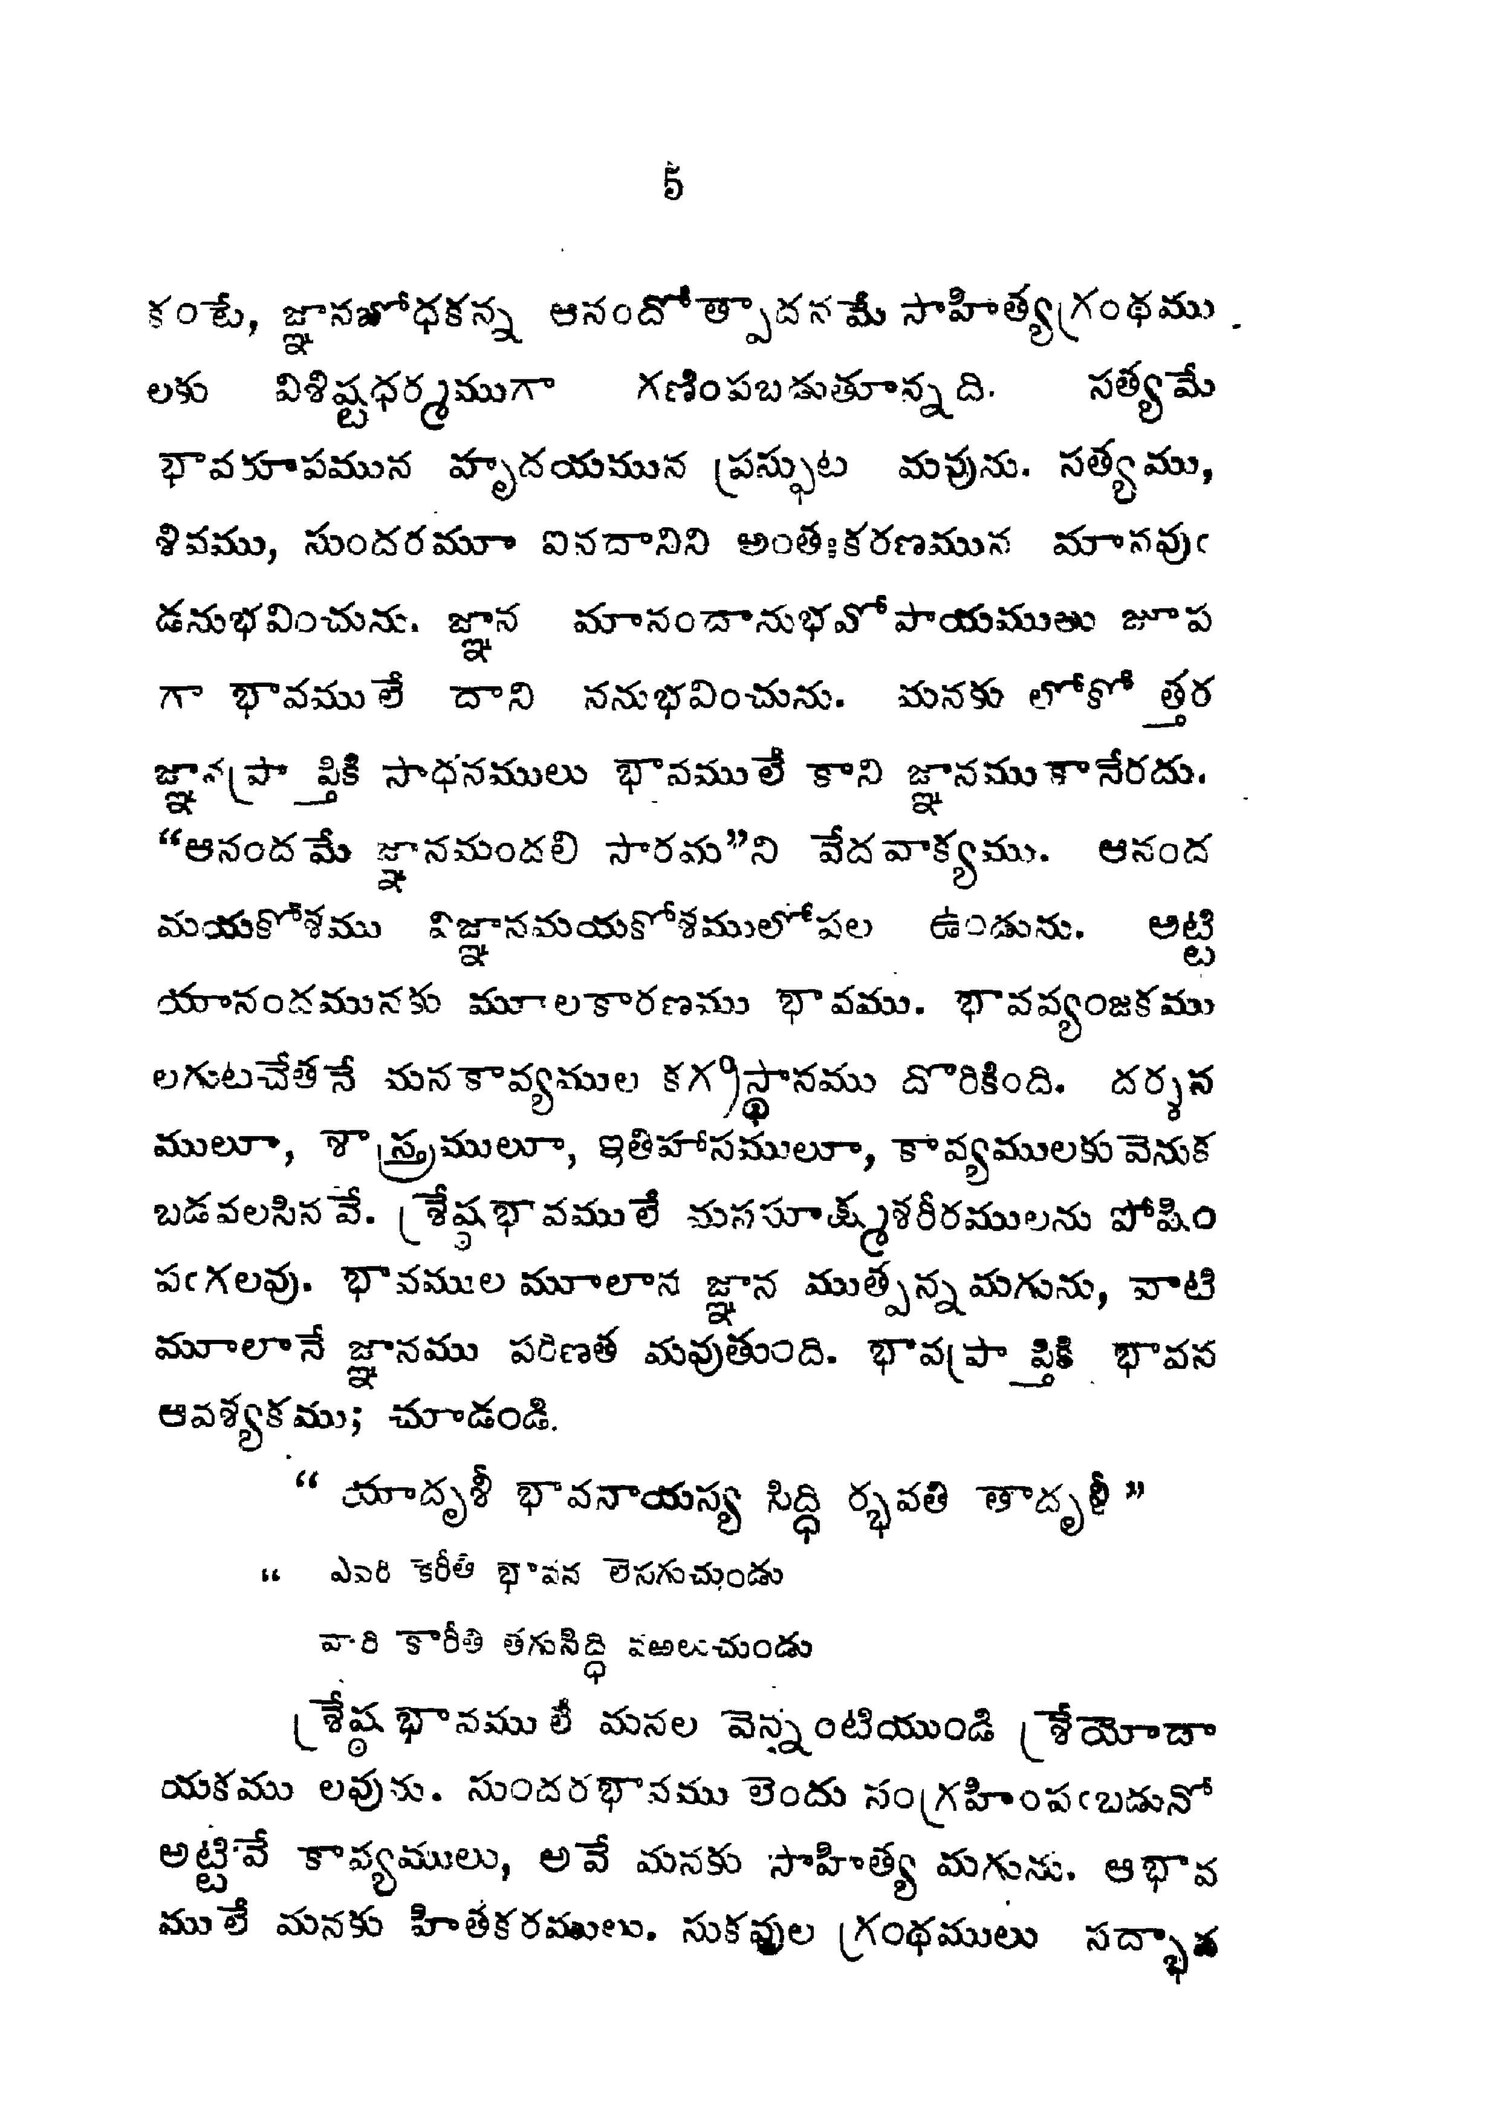కంటే, జ్ఞానబోధకన్న ఆనందోత్పాదనమే సాహిత్యగ్రంథములకు విశిష్టధర్మముగా గణింపబడుతూన్నది. సత్యమే భావరూపమున హృదయమున ప్రస్ఫుట మవును, సత్యము, శివము, సుందరమూ ఐనదానిని అంత:కరణమున మానవుఁ డనుభవించును. జ్ఞాన మానందానుభవోపాయములు జూపగా భావములే దాని ననుభవించును. మనకు లోకోత్తర జ్ఞానప్రాప్తికి సాధనములు భావములే కాని జ్ఞానము కానేరదు. "ఆనందమే జ్ఞానమందలి సారమ"ని వేదవాక్యము. ఆనందమయకోశము విజ్ఞానమయకోశములోపల ఉండును. అట్టి యానందమునకు మూలకారణము భావము. భావవ్యంజకములగుటచేతనే మనకావ్యముల కగ్రస్థానము దొరికింది. దర్శనములూ, శాస్త్రములూ, ఇతిహాసములూ, కావ్యములకువెనుక బడవలసినవే. శ్రేష్ఠభావములే మనసూక్ష్మ శరీరములను పోషింపఁగలవు. భావముల మూలాన జ్ఞాన ముత్పన్నమగును, వాటిమూలానే జ్ఞానము పరిణత మవుతుంది. భావప్రాప్తికి భావన ఆవశ్యకము; చూడండి.

 "యాదృశీ భావనాయస్య సిద్ధి ర్భవతి తాదృశీ"

 "ఎవరి కెరీతి భావన లెసగుచుండు
 వారి కారీతి తగుసిద్ధి వఱలుచుండు"

శ్రేష్ఠ భావములే మనల వెన్నంటియుండి శ్రేయోదాయకము లవును. సుందరభావము లెందు సంగ్రహింపఁబడునో అట్టివే కావ్యములు, అవే మనకు సాహిత్య మగును. ఆభావములే మనకు హితకరములు. సుకవుల గ్రంథములు సద్భావ